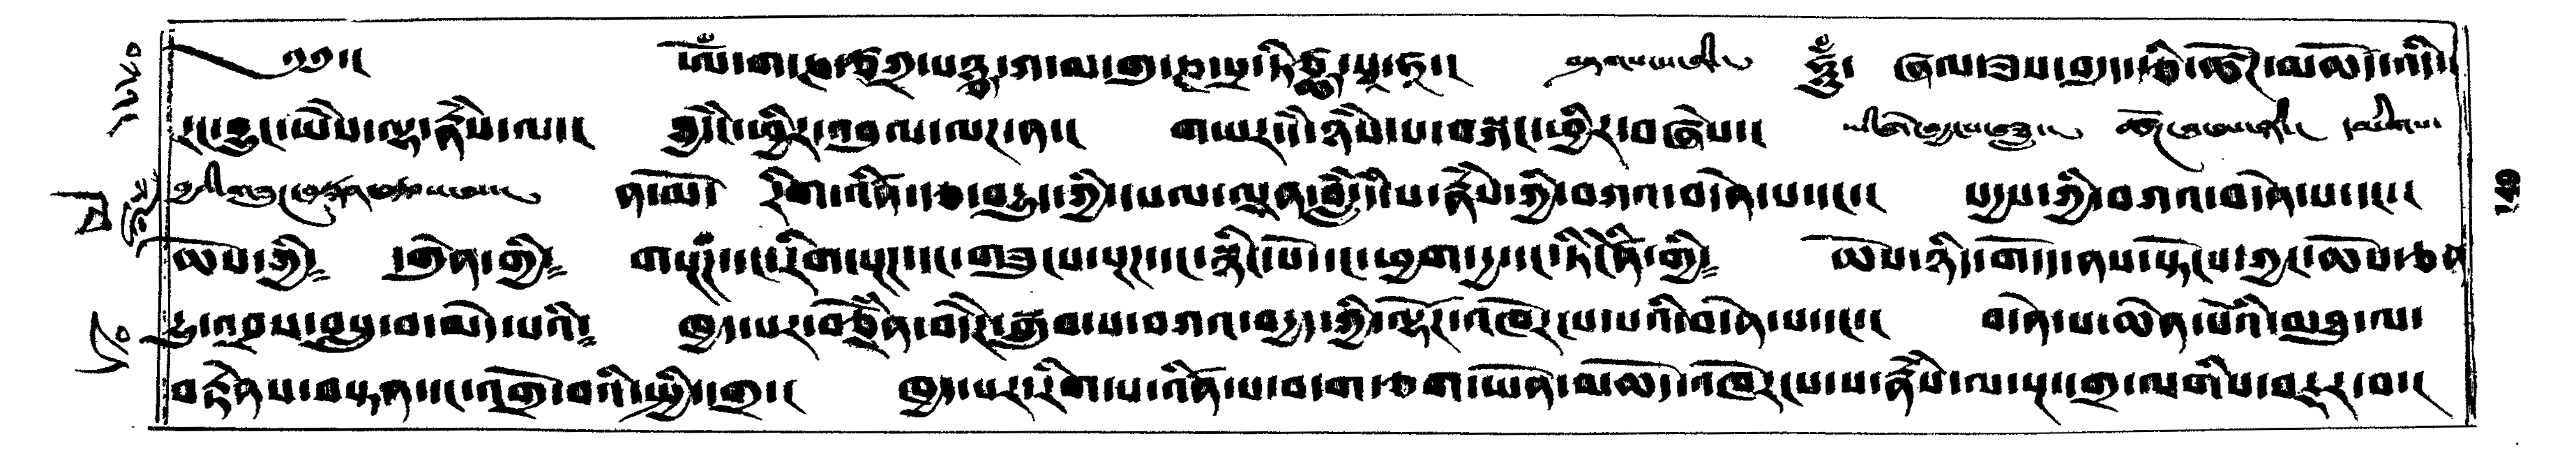ཨོཾ་ག་ཎ་ཙཀྲ་པཉྩ་ཀ་མ་གུ་ཎ་པྲ་ཏིཙྪ་སྭ་ཧཱ། བཤགས་པ་ནི། ཧཱུྃ། ཞལ་ཟས་བདུད་རྩི་ཚོགས་མཆོད་འདི། །
རང་བྱུང་ཡེ་ཤེས་ལྷ་རྣམས་ལ། །ཐུགས་དམ་བསྐོང་ཕྱིར་འབུལ་ལགས་ན། གཡར་དམ་ཉམས་པ་བསྐང་ཕྱིར་བཞེས། ། ཡི་གེ་བརྒྱ་པ་བཟླ། ཚོགས་ཐ་མ་ནི། དམིགས་
བྱའི་གཟུགས་བརྙན་བཅས་ལ། ན་མོ། རིག་འཛིན་རྩ་བརྒྱུད་ཀྱི་དཔལ་ལྡན་བླ་མ་དམ་པ་རྣམས་ཀྱི་བཀའ་བདེན་པ་དང་། སངས་རྒྱས་ཀྱི་བཀའ་བདེན་པ་དང་། །
ཆོས་ཀྱི༴ དགེ་བདུན་གྱི༴ གསང་སྔགས་དང་རིག་སྔགས་དང་གཟུངས་སྔགས་དང་སྙིང་པོ་དང་ཕྱག་རྒྱ་དང་ཏིང་ངེ་འཛིན་གྱི༴ ཆོས་ཉིད་གདོད་ནས་སྟོངས་ཀྱང་ཆོས་ཅན། 
རྒྱུ་འབྲས་བསླུ་བ་མེད་པའི༴ ཁྱད་པར་བཅོམ་ལྡན་འདས་བདེ་གཤེགས་སྒྲུབ་པ་བཀའ་བརྒྱད་ཀྱི་ལྷ་ཚོགས་འཁོར་དང་བཅས་པའི་བདེན་པ་དང་། བདེན་པ་ཆེན་པོའི་མཐུ་ལ་
བརྟེན་ནས་བསྟན་དང་འགྲོ་བའི་སྤྱི་དགྲ། ཁྱད་པར་རིག་པ་འཛིན་པ་བདག་ཅག་ཡོན་མཆོད་འཁོར་དང་བཅས་པ་རྣམས་ལ་སྔ་དགྲ་ལག་གིས་བརྡར་བ།